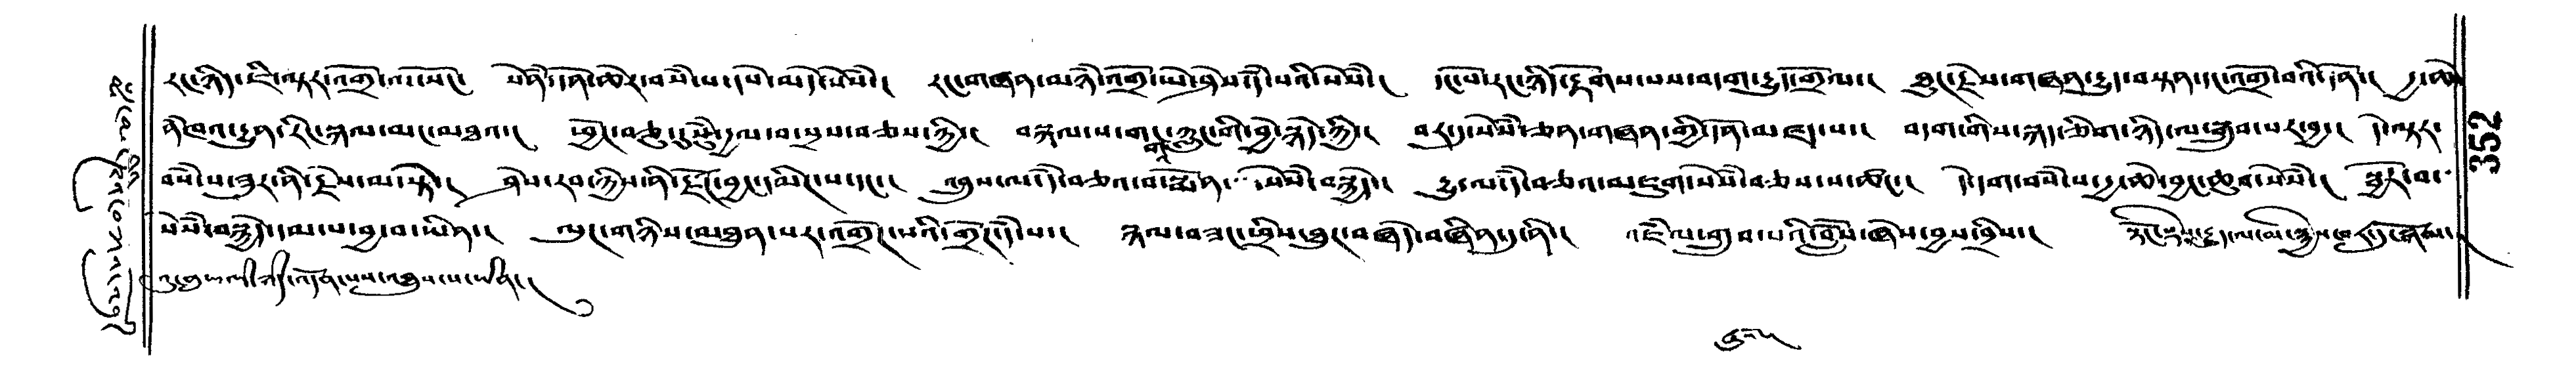རང་ཉིད་ཇི་ལྟར་འགྲོ་ན་སོང་། །སེམས་ཅན་དོན་ཆེད་བསམ་པ་དཔེ་མེད་སེམས། །རང་གཞན་མཉམ་འགྲོ་ཡེ་ཤེས་དམ་པའི་སེམས། །དང་པོ་རང་ཉིད་རྟོགས་པས་བདག་རྒྱུད་གྲོལ། །ཐུགས་རྗེས་གཞན་རྒྱུད་བསྟན་དང་འགྲོ་བའི་དོན། །རྒྱ་ཆེ་
ནམ་མཁའ་རྒྱུན་རིང་སྐལ་མང་མཐའ། །ཕྱོགས་བཅུ་དུས་གསུམ་རྒྱལ་བ་སྲས་བཅས་ཀྱིས། །བསྐལ་པ་གངྒའི་ཀླུང་གི་བྱེ་སྙེད་ཀྱི། །བར་དུ་སེམས་ཅན་གཞན་གྱི་དོན་མཛད་པ། །བདག་གིས་སྐད་ཅིག་ཉིད་ལ་བསྒྲུབ་པར་བྱ། །དེ་ལྟར་
བསམ་པ་ཟུར་ནི་རྗེས་མ་སྟེ། །ཤེས་རབ་ཀྱིས་ནི་རྫོགས་བྱང་དམིགས་པ་དང་། །འབྲས་བུར་དམ་བཅའ་སྨོན་པ་སེམས་བསྐྱེད་དང་། །རྒྱུ་ལ་དམ་བཅའ་འཇུག་སེམས་བཅས་པ་ཚང་། །དེ་དག་བསམ་པ་རྒྱ་ཆེ་བྱང་ཆུབ་སེམས། །སྦྱོར་བ་
སེམས་བསྐྱེད་དམ་པ་བྱ་བ་ཡིན། །ལུགས་གཉིས་མཐུན་པར་འགྲོགས་པའི་གྲོགས་དམ་པ། །སྐལ་བཟང་ཕྲིན་ལས་ཐུགས་བཞེད་བཞིན་དུ་ནི།འཇམ་དཔལ་གྲུབ་པའི་བློ་གྲོས་ཞེས་བྱས་བྲིས། དོན་འདི་རྒྱུད་ལ་མ་སྐྱེས་བར་དུ་སྒོམས། །
འུ་བུས་འདི་ཉིད་འདོན་པས་འཐུས་པ་ཡིན། མཆན། དགེའོ།།